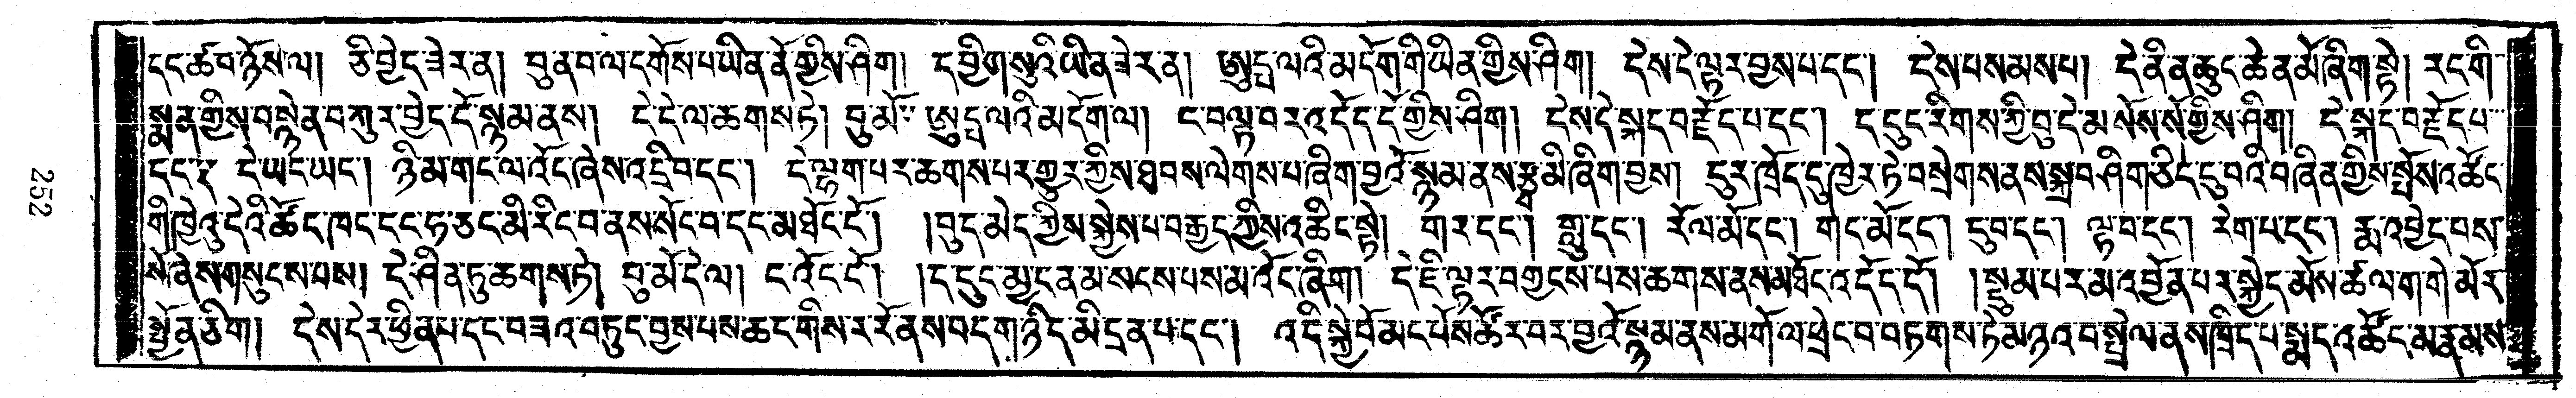དང་ཚ་བ་ཉོས་ལ། ཅི་བྱེད་ཟེར་ན། བུ་ན་བ་ལ་དགོས་པ་ཡིན་ནོ་གྱིས་ཤིག། དབྱིག་སུའི་ཡིན་ཟེར་ན། ཨུདཔ་ལའི་མདོག་གི་ཡིན་གྱིས་ཤིག། དེས་དེ་ལྟར་བྱས་པ་དང་། དེས་བསམས་པ། དེ་ནི་ན་ཆུང་ཆེན་མོ་ཞིག་སྟེ། རང་གི་
སྨན་གྱིས་བསྙེན་བཀུར་བྱེད་དོ་སྙམ་ནས། དེ་དེ་ལ་ཆགས་ཏེ། བུ་མོ་ཨུདཔ་ལའི་མདོག་ལ། ད་བལྟ་བར་འདོད་དོ་གྱིས་ཤིག། དེས་དེ་སྐད་བརྗོད་པ་དང་། ད་དུང་རིགས་ཀྱི་བུ་དེ་མ་སོས་སོ་གྱིས་ཤིག། དེ་སྐང་བརྗོད་པ་
དང༑ དེ་ཡང་ཡང་། ཉི་མ་གང་ལ་འོང་ཞེས་འདྲི་བ་དང་། དེ་ལྷག་པར་ཆགས་པར་གྱུར་ཀྱིས་ཐབས་ལེགས་པ་ཞིག་བྱའོ་སྙམ་ནས་རྩྭ་མི་ཞིག་བྱས། དུར་ཁྲོད་དུ་ཁྱེར་ཏེ་བསྲེགས་ནས་སྐྲ་བཤིག་ཅིང་དུ་བའི་བཞིན་གྱིས་སྤོས་འཚོང་
གི་ཁྱེའུ་དེའི་ཚོང་ཁང་དང་ཧ་ཅང་མི་རིང་བ་ནས་སོང་བ་དང་མཐོང་ངོ། །བུད་མེད་ཀྱིས་སྐྱེས་པ་བརྒྱད་ཀྱིས་འཆིང་སྟེ། གར་དང་། གླུ་དང་། རོལ་མོ་དང་། གང་མོ་དང་། དུ་བ་དང་། ལྟ་བ་དང་། རེག་པ་དང་། རྨ་འབྱེད་པས་
སོ་ཞེས་གསུངས་པས། དེ་ཤིན་ཏུ་ཆགས་ཏེ། བུ་མོ་དེ་ལ། ང་འོང་ངོ། །ད་དུང་མྱ་ངན་མ་སངས་པས་མ་འོང་ཞིག། དེ་ཇི་ལྟར་བགྱངས་པས་ཆགས་ནས་མཐོང་འདོད་དོ། །སྡུམ་པར་མ་འབྱོན་པར་སྐྱེད་མོས་ཚལ་ག་གེ་མོར་
སྤྱོན་ཅིག། དེ་ས་དེར་ཕྱིན་པ་དང་བཟའ་བཏུང་བྱས་པས་ཆང་གིས་ར་རོ་ནས་བདག་ཉིད་མི་དྲན་པ་དང་། འདི་སྐྱེ་བོ་མང་པོས་ཚོར་བར་བྱའོ་སྙམ་ནས་མགོ་ལ་ཕྲེང་བ་བཏགས་ཏེ་མཉའ་བ་སྤྲེལ་ནས་ཁྲིད་པ་སྨད་འཚོང་མ་རྣམས་